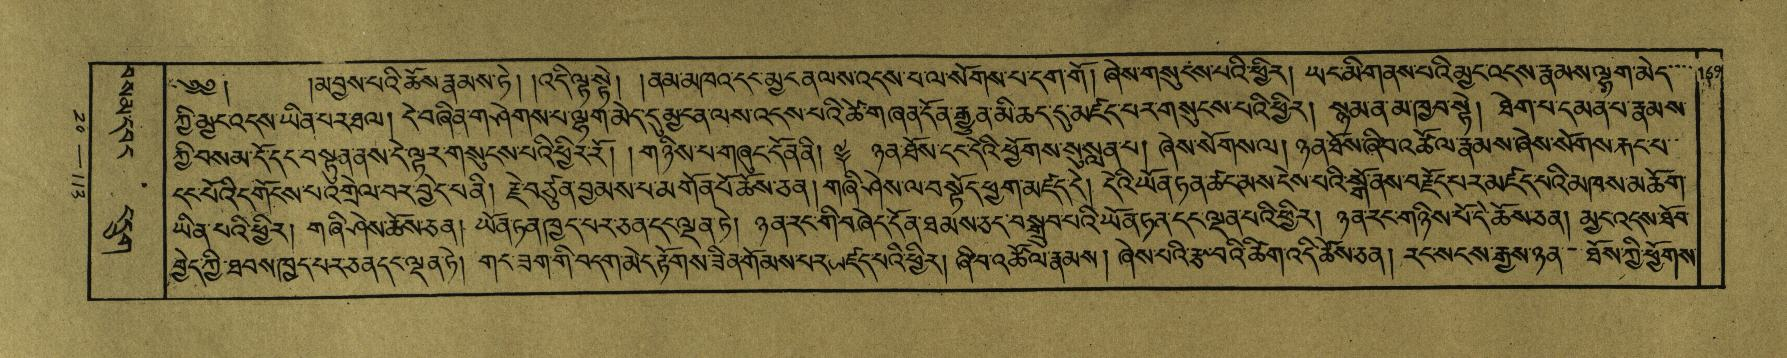༄༅། །མ་བྱས་པའི་ཆོས་རྣམས་ཏེ། །འདི་ལྟ་སྟེ། །ནམ་མཁའ་དང་མྱ་ངན་ལས་འདས་པ་ལ་སོགས་པ་དག་གོ། ཞེས་གསུངས་པའི་ཕྱིར། ཡང་མི་གནས་པའི་མྱང་འདས་རྣམས་ལྷག་མེད་
ཀྱི་མྱང་འདས་ཡིན་པར་ཐལ། དེ་བཞིན་གཤེགས་པ་ལྷག་མེད་དུ་མྱ་ངན་ལས་འདས་པའི་ཚེ་གཞན་དོན་རྒྱུན་མི་ཆད་དུ་མཛད་པར་གསུངས་པའི་ཕྱིར། སྙམ་ན་མ་ཁྱབ་སྟེ། ཐེག་པ་དམན་པ་རྣམས་
ཀྱི་བསམ་དོ་དང་བསྟུན་ནས་དེ་ལྟར་གསུངས་པའི་ཕྱིར་རོ། །གཉིས་པ་གཞུང་དོན་ནི། ༈ ཉན་ཐོས་དང་དེའི་ཕྱོགས་སུ་སླན་པ། ཞེས་སོགས་ལ། ཉན་ཐོས་ཞི་བ་འཚོལ་རྣམས་ཞེས་སོགས་རྐང་པ་
དང་པོའི་དགོངས་པ་འགྲེལ་བར་བྱེད་པ་ནི། རྗེ་བཙུན་བྱམས་པ་མགོན་པོ་ཆོས་ཅན། གཞི་ཤེས་ལ་བསྟོད་ཕྱག་མཛད་དེ། དེའི་ཡོན་ཏན་ཚང་མས་ངེས་པའི་སྒོ་ནས་བརྗོད་པར་མཛད་པའི་མཁས་མཆོག་
ཡིན་པའི་ཕྱིར། གཞི་ཤེས་ཆོས་ཅན། ཡོན་ཏན་ཁྱད་པར་ཅན་དང་ལྡན་ཏེ། ཉན་རང་གི་བཞེད་དོན་ཐམས་ཅད་བསྒྲུབ་པའི་ཡོན་ཏན་དང་ལྡན་པའི་ཕྱིར། ཉན་རང་གཉིས་པོ་དེ་ཆོས་ཅན། མྱང་འདས་ཐོབ་
བྱེད་ཀྱི་ཐབས་ཁྱད་པར་ཅན་དང་ལྡན་ཏེ། གང་ཟག་གི་བདག་མེད་རྟོགས་ཟིན་གོམས་པར་མཛད་པའི་ཕྱིར། ཞི་བ་འཚོལ་རྣམས། ཞེས་པའི་རྩ་བའི་ཚིག་འདི་ཆོས་ཅན། རང་སངས་རྒྱས་ཉན་ཐོས་ཀྱི་ཕྱོགས་